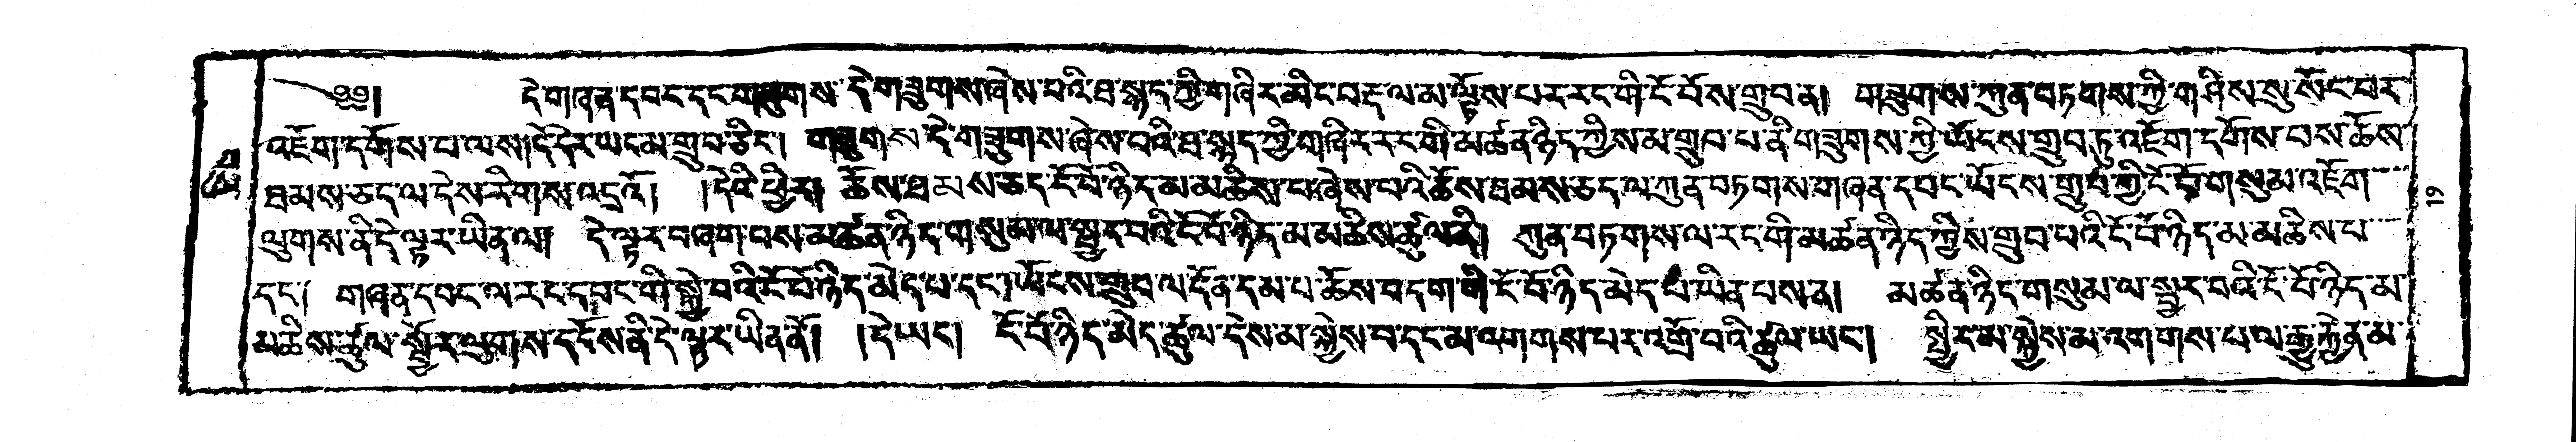༄༅། །དེ་གཞན་དབང་དང་གཟུགས་དེ་གཟུགས་ཞེས་པའི་ཐ་སྙད་ཀྱི་གཞིར་མིང་བརྡ་ལ་མ་ལྟོས་པར་རང་གི་ངོ་བོས་གྲུབ་ན། གཟུགས་ཀུན་བཏགས་ཀྱི་གཤིས་སུ་སོང་བར་
འཇོག་དགོས་པ་ལས། དེ་དེར་ཡང་མ་གྲུབ་ཅིང་། གཟུགས་དེ་གཟུགས་ཞེས་པའི་ཐ་སྙད་ཀྱི་གཞིར་རང་གི་མཚན་ཉིད་ཀྱིས་མ་གྲུབ་པ་ནི་གཟུགས་ཀྱི་ཡོངས་གྲུབ་ཏུ་འཇོག་དགོས་པས་ཆོས་
ཐམས་ཅད་ལ་དེས་རིགས་འདྲའོ། །དེའི་ཕྱིར། ཆོས་ཐམས་ཅད་ངོ་བོ་ཉིད་མ་མཆིས་པ་ཞེས་པའི་ཆོས་ཐམས་ཅད་ལ་ཀུན་བཏགས་གཞན་དབང་ཡོངས་གྲུབ་ཀྱི་ངོ་བོ་གསུམ་འཇོག་
ལུགས་ནི་དེ་ལྟར་ཡིན་ལ། དེ་ལྟར་བཞག་པས་མཚན་ཉིད་གསུམ་ལ་སྦྱར་བའི་ངོ་བོ་ཉིད་མ་མཆིས་ཚུལ་ནི། ཀུན་བཏགས་ལ་རང་གི་མཚན་ཉིད་ཀྱིས་གྲུབ་པའི་ངོ་བོ་ཉིད་མ་མཆིས་པ་
དང་། གཞན་དབང་ལ་རང་དབང་གི་སྐྱེ་བའི་ངོ་བོ་ཉིད་མེད་པ་དང་། ཡོངས་གྲུབ་ལ་དོན་དམ་པ་ཆོས་བདག་གི་ངོ་བོ་ཉིད་མེད་པ་ཡིན་པས་ན། མཚན་ཉིད་གསུམ་ལ་སྦྱར་བའི་ངོ་བོ་ཉིད་མ་
མཆིས་ཚུལ་སྦྱོར་ལུགས་དངོས་ནི་དེ་ལྟར་ཡིན་ནོ། །དེ་ཡང་། ངོ་བོ་ཉིད་མེད་ཚུལ་དེས་མ་སྐྱེས་བ་དང་མ་འགགས་པར་འགྲོ་བའི་ཚུལ་ཡང་། སྤྱིར་མ་སྐྱེས་མ་འགགས་པ་ལ་རྒྱུ་རྐྱེན་མ་